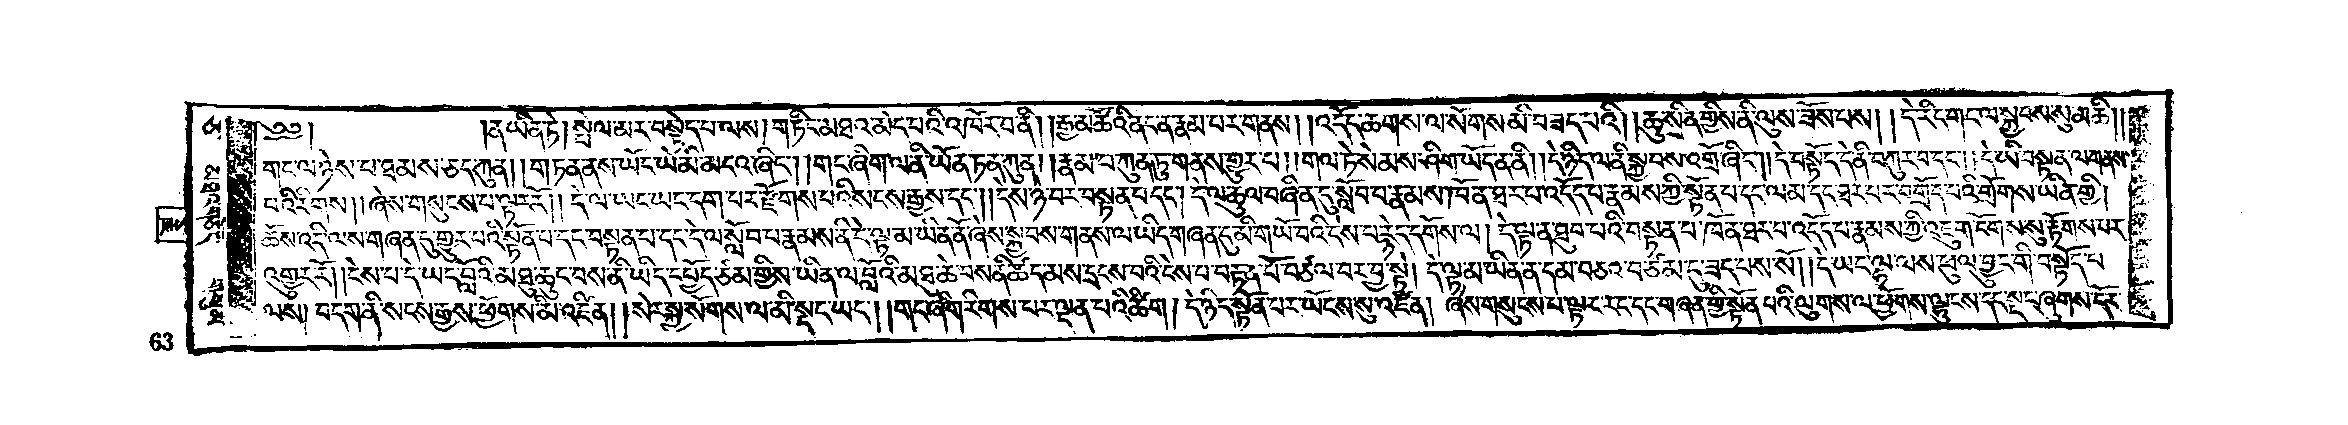༄༅། །ན་ཡིན་ཏེ། སྤེལ་མར་བསྟོད་པ་ལས། གཏིང་མཐའ་མེད་པའི་འཁོར་བ་ནི། །རྒྱ་མཚོའི་ནང་ན་རྣམ་པར་གནས། །འདོད་ཆགས་ལ་སོགས་མི་བཟད་པའི། །ཆུ་སྲིན་གྱིས་ནི་ལུས་ཟོས་པས། །དེ་རིང་གང་ལ་སྐྱབས་སུ་མཆི། །
གང་ལ་ཉེས་པ་ཐམས་ཅད་ཀུན། །གཏན་ནས་ཡོང་ཡེ་མི་མངའ་ཞིང་། །གང་ཞིག་ལ་ནི་ཡོན་ཏན་ཀུན། །རྣམ་པ་ཀུན་ཏུ་གནས་གྱུར་པ། །གལ་ཏེ་སེམས་ཤིག་ཡོད་ན་ནི། །དེ་ཉིད་ལ་ནི་སྐྱབས་འགྲོ་ཞིང་། །དེ་བསྟོད་དེ་ནི་བཀུར་བ་དང་། །དེ་ཡི་བསྟན་ལ་གནས་
པའི་རིགས། །ཞེས་གསུངས་པ་ལྟར་རོ། །དེ་ལ་ཡང་ཡང་དག་པར་རྫོགས་པའི་སངས་རྒྱས་དང་། །དེས་ཉེ་བར་བསྟན་པ་དང་། དེ་ལ་ཚུལ་བཞིན་དུ་སློབ་པ་རྣམས་ཁོ་ན་ཐར་པ་འདོད་པ་རྣམས་ཀྱི་སྟོན་པ་དང་ལམ་དང་ཐར་པར་བགྲོད་པའི་གྲོགས་ཡིན་གྱི།
ཆོས་འདི་ལས་གཞན་དུ་གྱུར་པའི་སྟོན་པ་དང་བསྟན་པ་དང་དེ་ལ་སློབ་པ་རྣམས་ནི་དེ་ལྟ་མ་ཡིན་ནོ་ཞེས་སྐྱབས་གནས་ལ་ཡིད་གཞན་དུ་མི་གཡོ་བའི་ངེས་པ་རྙེད་དགོས་ལ། དེ་ལྟ་ན་ཐུབ་པའི་བསྟན་པ་ཁོ་ན་ཐར་པ་འདོད་པ་རྣམས་ཀྱི་འཇུག་དོགས་སུ་རྟོགས་པར་
འགྱུར་རོ། །ངེས་པ་དེ་ཡང་བློའི་མཐུ་ཆུང་བས་ནི་ཡིད་དཔྱོད་ཙམ་གྱིས་ཡིན་ལ་བློའི་མཐུ་ཆེ་བས་ནི་ཚད་མས་དྲངས་པའི་ངེས་པ་བརྟན་པོ་བཙལ་བར་བྱ་སྟེ། དེ་ལྟ་མ་ཡིན་ན་དམ་བཅའ་བ་ཙམ་དུ་ཟད་པས་སོ། །དེ་ཡང་ལྷ་ལས་ཕུལ་བྱུང་གི་བསྟོད་པ་
ལས། བདག་ནི་སངས་རྒྱས་ཕྱོགས་མི་འཛིན། །སེར་སྐྱ་སོགས་ལ་མི་སྡང་ཡང་། །གང་ཞིག་རིགས་པར་ལྡན་པའི་ཚིག །དེ་ཉིད་སྟོན་པར་ཡོངས་སུ་འཛིན། ཞེས་གསུངས་པ་ལྟར་རང་དང་གཞན་གྱི་སྟོན་པའི་ལུགས་ལ་ཕྱོགས་ལྷུངས་དང་སྡང་ཞུགས་དོར་